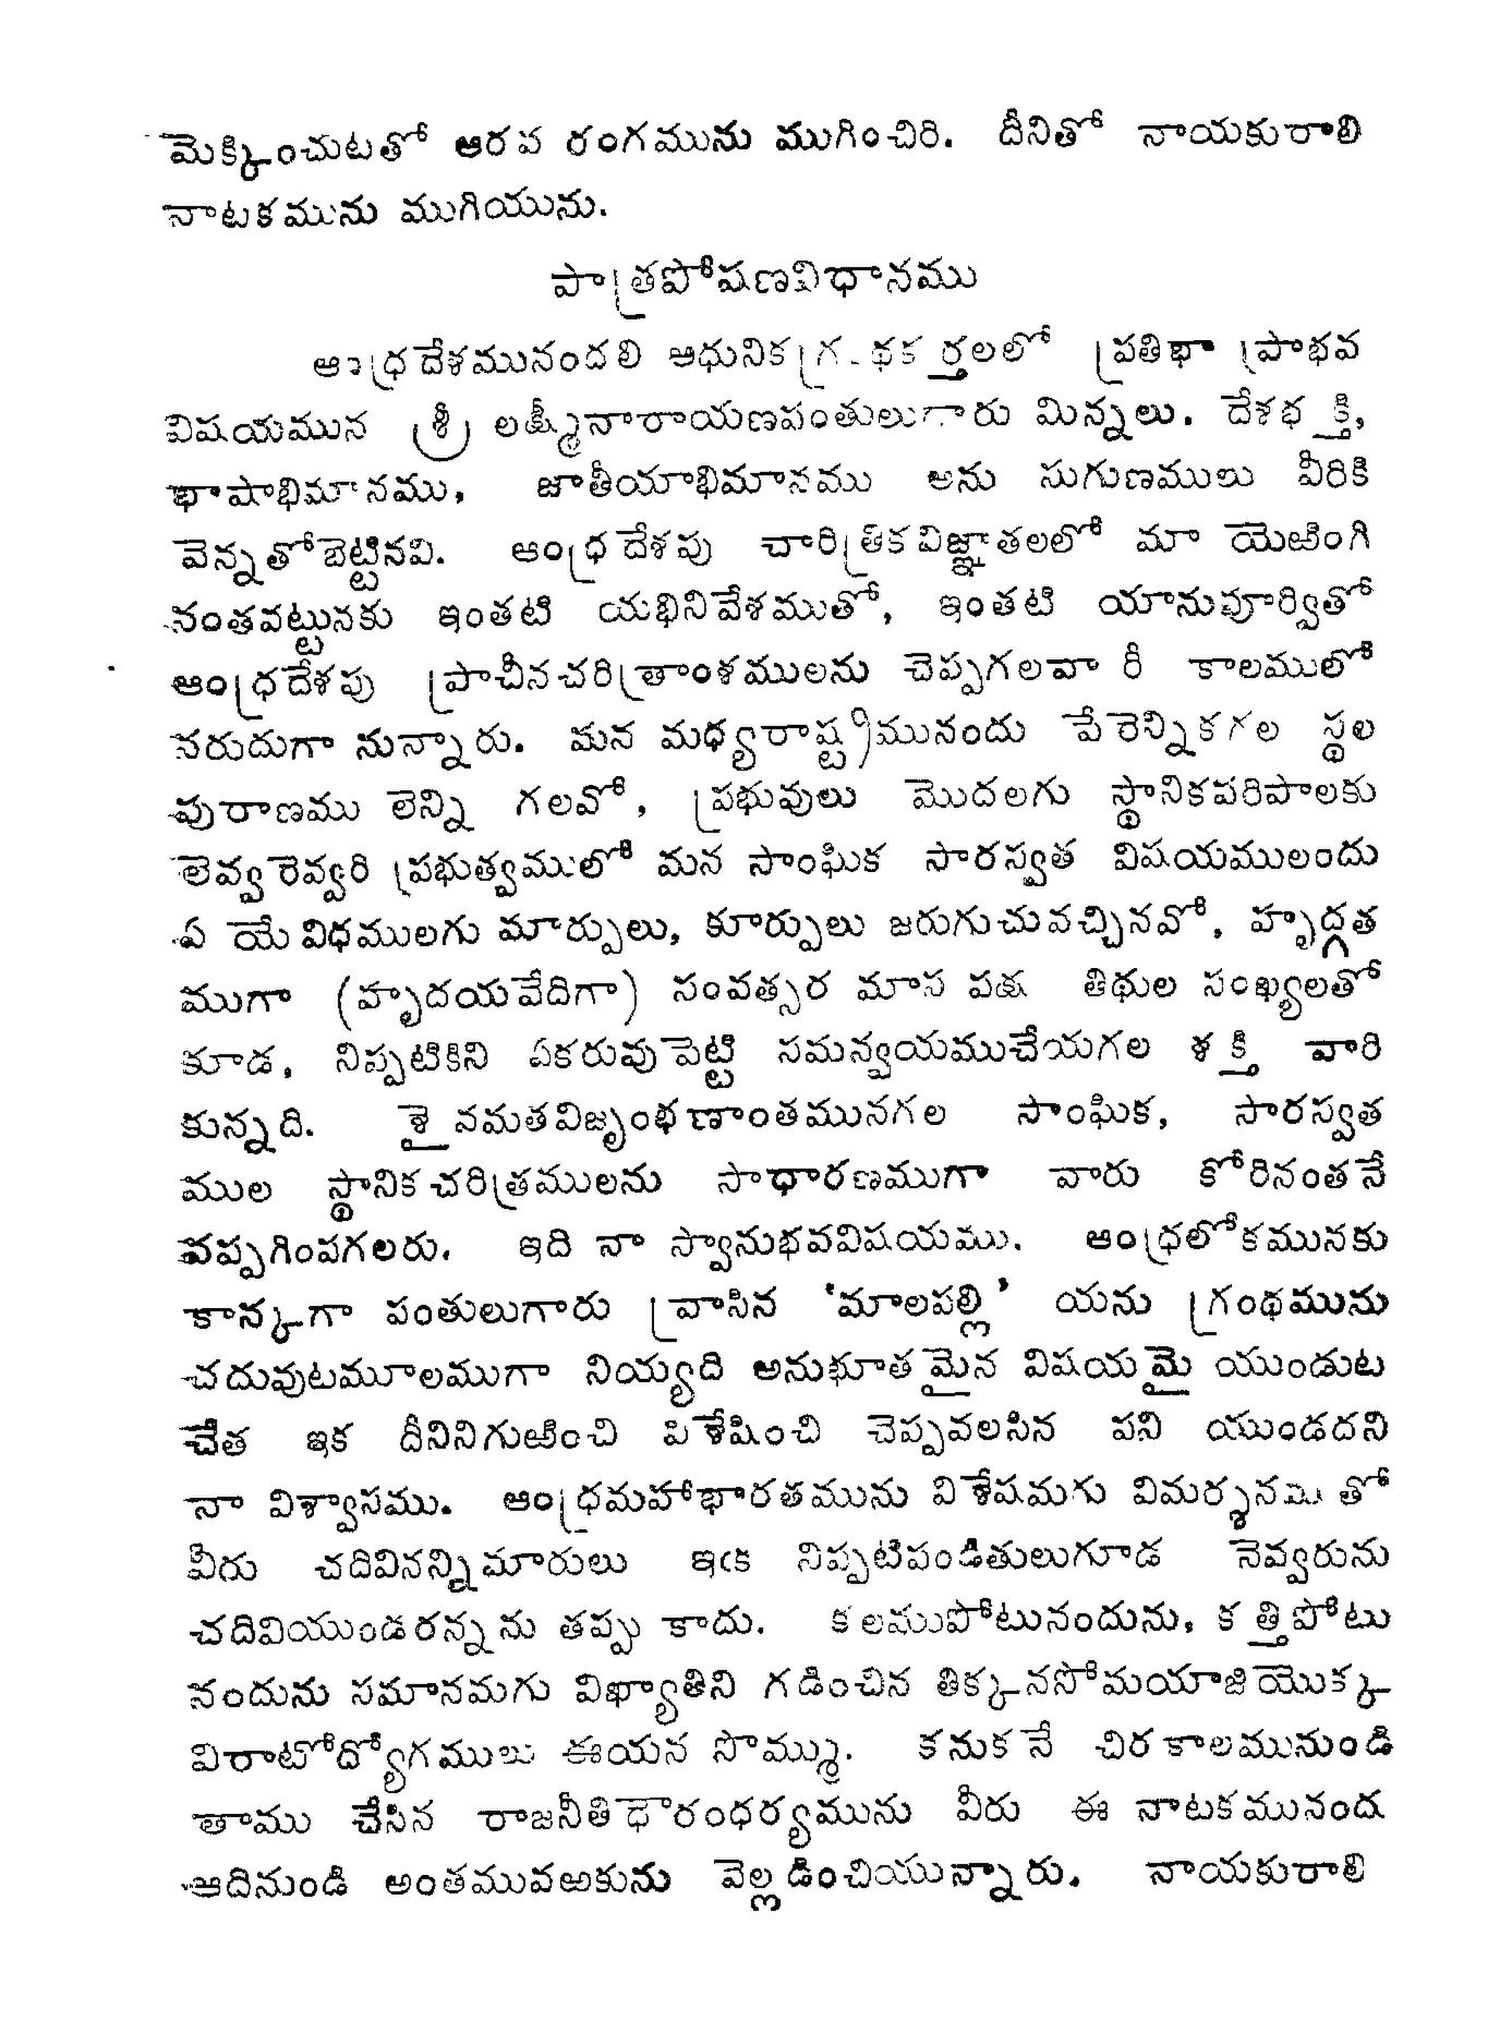మెక్కించుటతో ఆరవ రంగమును ముగించిరి. దీనితో నాయకురాలి నాటకమును ముగియును.

ఆంధ్రదేశమునందలి ఆధునిక గ్రంథకర్తలలో ప్రతిభా ప్రాభవ విషయమున శ్రీ లక్ష్మీనారాయణ పంతులుగారు మిన్నలు . దేశభక్తి, భాషాభిమానము, జాతీయాభిమానము అను సుగుణములు వీరికి
వెన్నతోబెట్టినవి. ఆంధ్రదేశపు చారిత్రికవిజ్ఞాతలలో మా యెఱింగినంతవట్టునకు ఇంతటి యభినివేశముతో, ఇంతటి యానుపూర్వితో ఆంధ్రదేశపు ప్రాచీనచరిత్రాంశములను చెప్పగలవా రీ కాలములో నరుదుగా నున్నారు. మన మధ్యరాష్ట్రమునందు పేరెన్నికగల స్థలపురాణము లెన్ని గలవో, ప్రభువులు మొదలగు స్థానికపరిపాలకు లెవ్వరెవ్వరి ప్రభుత్వములో మన సాంఘిక సారస్వత విషయములందు ఏ యే విధములగు మార్పులు, కూర్పులు జరుగుచువచ్చినవో, హృద్గతముగా (హృదయవేదిగా) సంవత్సర మాస పక్ష తిథుల సంఖ్యలతో కూడ, నిస్పటికిని ఏకరువుపెట్టి సమన్వయముచేయగల శక్తి వారికున్నది. శైవమతవిజృంభణాంతమునగల సాంఘిక, సారస్వతముల స్థానికచరిత్రములను సాధారణముగా వారు కోరినంతనే వప్పగింపగలరు. ఇది నా స్వానుభవ విషయము, ఆంధ్రలోకమునకు కాన్కగా పంతులుగారు వ్రాసిన 'మాలపల్లి ' యను గ్రంథమును
చదువుటమూలముగా నియ్యది అనుభూతమైన విషయమై యుండుట చేత ఇక దీనినిగుఱించి విశేషించి చెప్పవలసిన పని యుండదని నా విశ్వాసము. ఆంధ్రమహాభారతమును విశేషమగు విమర్శనముతో వీరు చదివినన్ని మారులు ఇఁక నిప్పటిపండితులుగూడ నెవ్వరును చదివియుండ రన్నను తప్పు కాదు. కలముపోటునందును, కత్తిపోటు నందును సమానమగు విఖ్యాతిని గడించిన తిక్కనసోమయాజియొక్క విరాటోద్యోగములు ఈయన సొమ్ము. కనుకనే చిరకాలమునుండి తాము చేసిన రాజనీతిధౌరంధర్యమును వీరు ఈ నాటకమునందు ఆదినుండి అంతమువఱకును వెల్లడించియున్నారు. నాయకురాలి